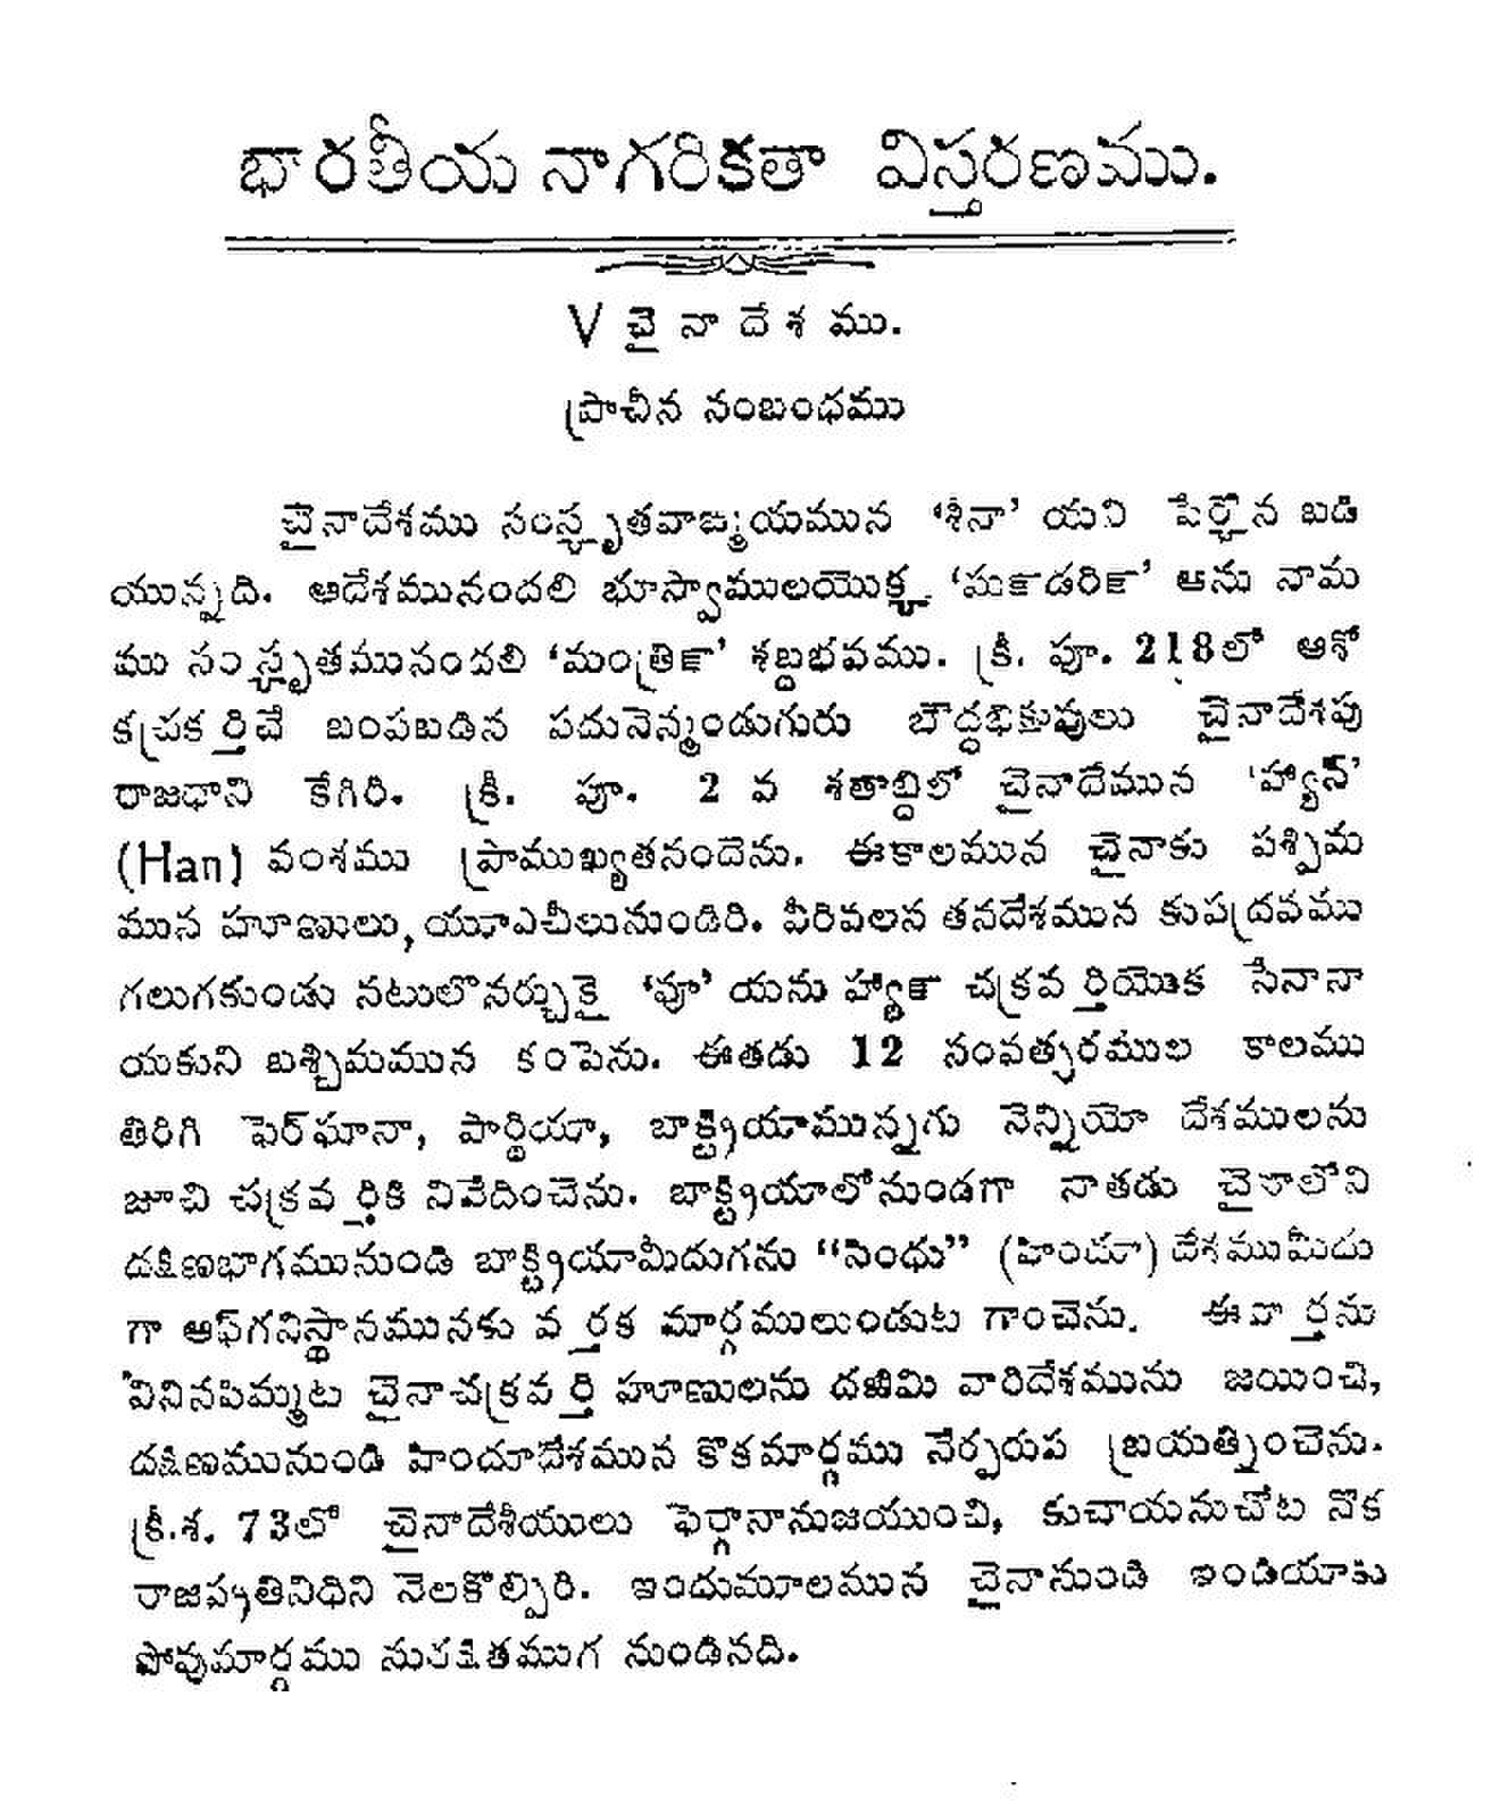చైనాదేశము సంస్కృతవాఙ్మయమున 'శీనా^ యని పేర్కొన బడియున్నది. ఆదేశమునందలి భూస్వాములయొక్క 'మన్‌డరిన్‌' అను నామము సంస్కృతమునందలి 'మంత్రిన్‌' శబ్దభవము. క్రీ. పూ. 218 లో అశోకచక్రవర్తిచే బంపబడిన పదునెన్మండుగురు బౌద్దభిక్షువులు చైనాదేశపు రాజధాని కేగిరి. క్రీ. పూ. 2 వ శతాబ్దిలో చైనాదేశమున 'హ్యాన్‌' (Han) వంశము ప్రాముఖ్యతనందెను. ఈకాలమున చైనాకు పశ్చిమమున హూణులు, యూఎచీలునుండిరి. వీరివలన తనదేశమున కుపద్రవము గలుగకుండు నటులొనర్చుటకై 'వూ' యను హ్యాన్ చక్రవర్తియొక సేనానాయకుని బశ్చిమమున కంపెను. ఈతడు 12 సంవత్సరముల కాలము తిరిగి ఫేర్‌ఘానా, పార్థియా, బాక్ట్రియామున్నగు నెన్నియో దేశములను జూచి చక్రవర్తికి నివేదించెను. బాక్ట్రియాలోనుండగా నాతడు చైనాలోని దక్షిణభాగమునుండి బాక్ట్రియామీదుగను "సింధు" (హిందూ) దేశముమీదుగా ఆఫ్‌గనిస్థానమునకు వర్తక మార్గములుండుట గాంచెను. ఈవార్తను వినినపిమ్మట చైనాచక్రవర్తి హూణులను దఱిమి వారిదేశమును జయించి, దక్షిణమునుండి హిందూదేశమున కొకమార్గము నేర్పరుప బ్రయత్నించెను. క్రీ. శ. 73 లో చైనాదేశీయులు ఫెర్గానానుజయించి, కుచాయనుచోట నొక రాజప్రతినిధిని నెలకొల్పిరి. ఇందుమూలమున చైనానుండి ఇండియాకు పోవుమార్గము సురక్షితముగ నుండినది.